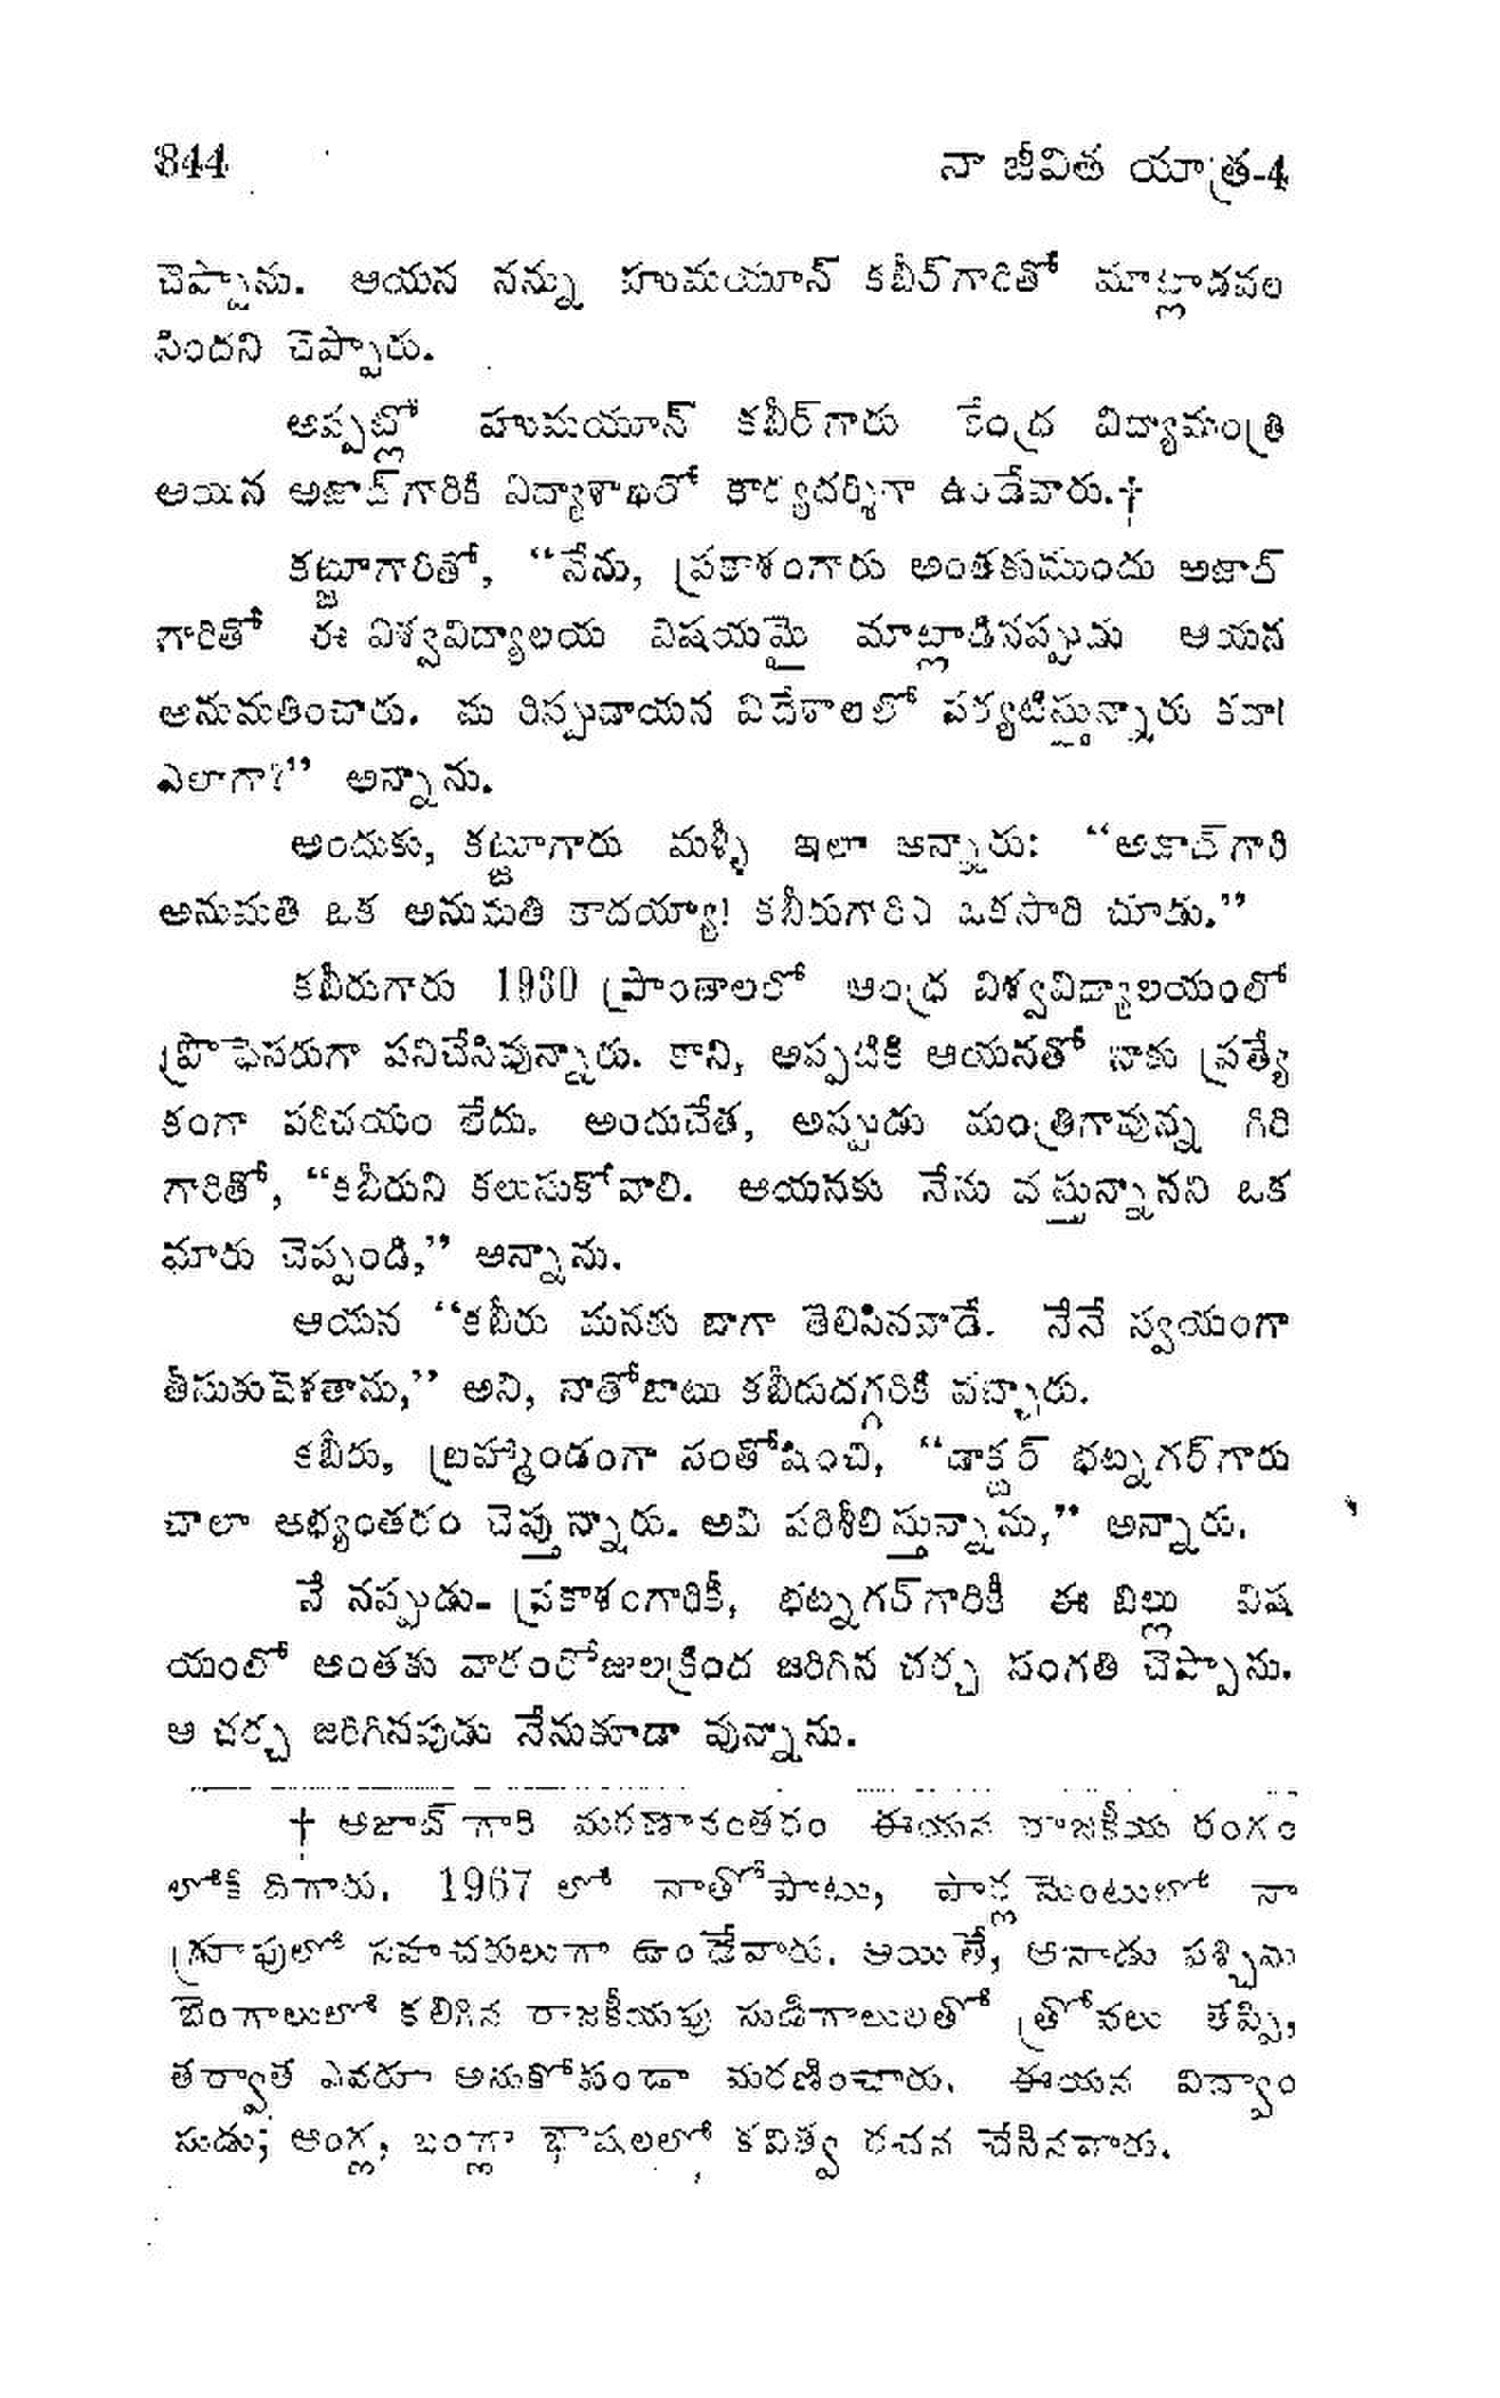చెప్పాను. ఆయన నన్ను హుమయూన్ కబీర్‌గారితో మాట్లాడవలసిందని చెప్పారు.

అప్పట్లో హుమయూన్ కబీర్‌గారు కేంద్ర విద్యామంత్రి అయిన అజాద్‌గారికి విద్యాశాఖలో కార్యదర్శిగా ఉండేవారు.

కట్జూగారితో, "నేను, ప్రకాశంగారు అంతకుముందు అజాద్‌గారితో ఈ విశ్వవిద్యాలయ విషయమై మాట్లాడినప్పుడు ఆయన అనుమతించారు. మ రిప్పుడాయన విదేశాలలో పర్యటిస్తున్నారు కదా! ఎలాగా?" అన్నాను.

అందుకు, కట్జూగారు మళ్ళీ ఇలా అన్నారు: "అజాద్‌గారి అనుమతి ఒక అనుమతి కాదయ్యా! కబీరుగారిని ఒకసారి చూడు."

కబీరుగారు 1930 ప్రాంతాలలో ఆంధ్ర విశ్వవిద్యాలయంలో ప్రొఫెసరుగా పనిచేసివున్నారు. కాని, అప్పటికి ఆయనతో నాకు ప్రత్యేకంగా పరిచయం లేదు. అందుచేత, అప్పుడు మంత్రిగావున్న గిరిగారితో, "కబీరుని కలుసుకోవాలి. ఆయనకు నేను వస్తున్నానని ఒక మారు చెప్పండి," అన్నాను.

ఆయన "కబీరు మనకు బాగా తెలిసినవాడే. నేనే స్వయంగా తీసుకువెళతాను," అని, నాతోబాటు కబీరుదగ్గరికి వచ్చారు.

కబీరు, బ్రహ్మాండంగా సంతోషించి, "డాక్టర్ భట్నగర్‌గారు చాలా అభ్యంతరం చెప్తున్నారు - అవి పరిశీలిస్తున్నాను," అన్నారు.

నే నప్పుడు - ప్రకాశంగారికీ, భట్నగర్‌గారికీ ఈ బిల్లు విషయంలో అంతకు వారంరోజులక్రింద జరిగిన చర్చ సంగతి చెప్పాను. ఆ చర్చ జరిగినపుడు నేనుకూడా వున్నాను.